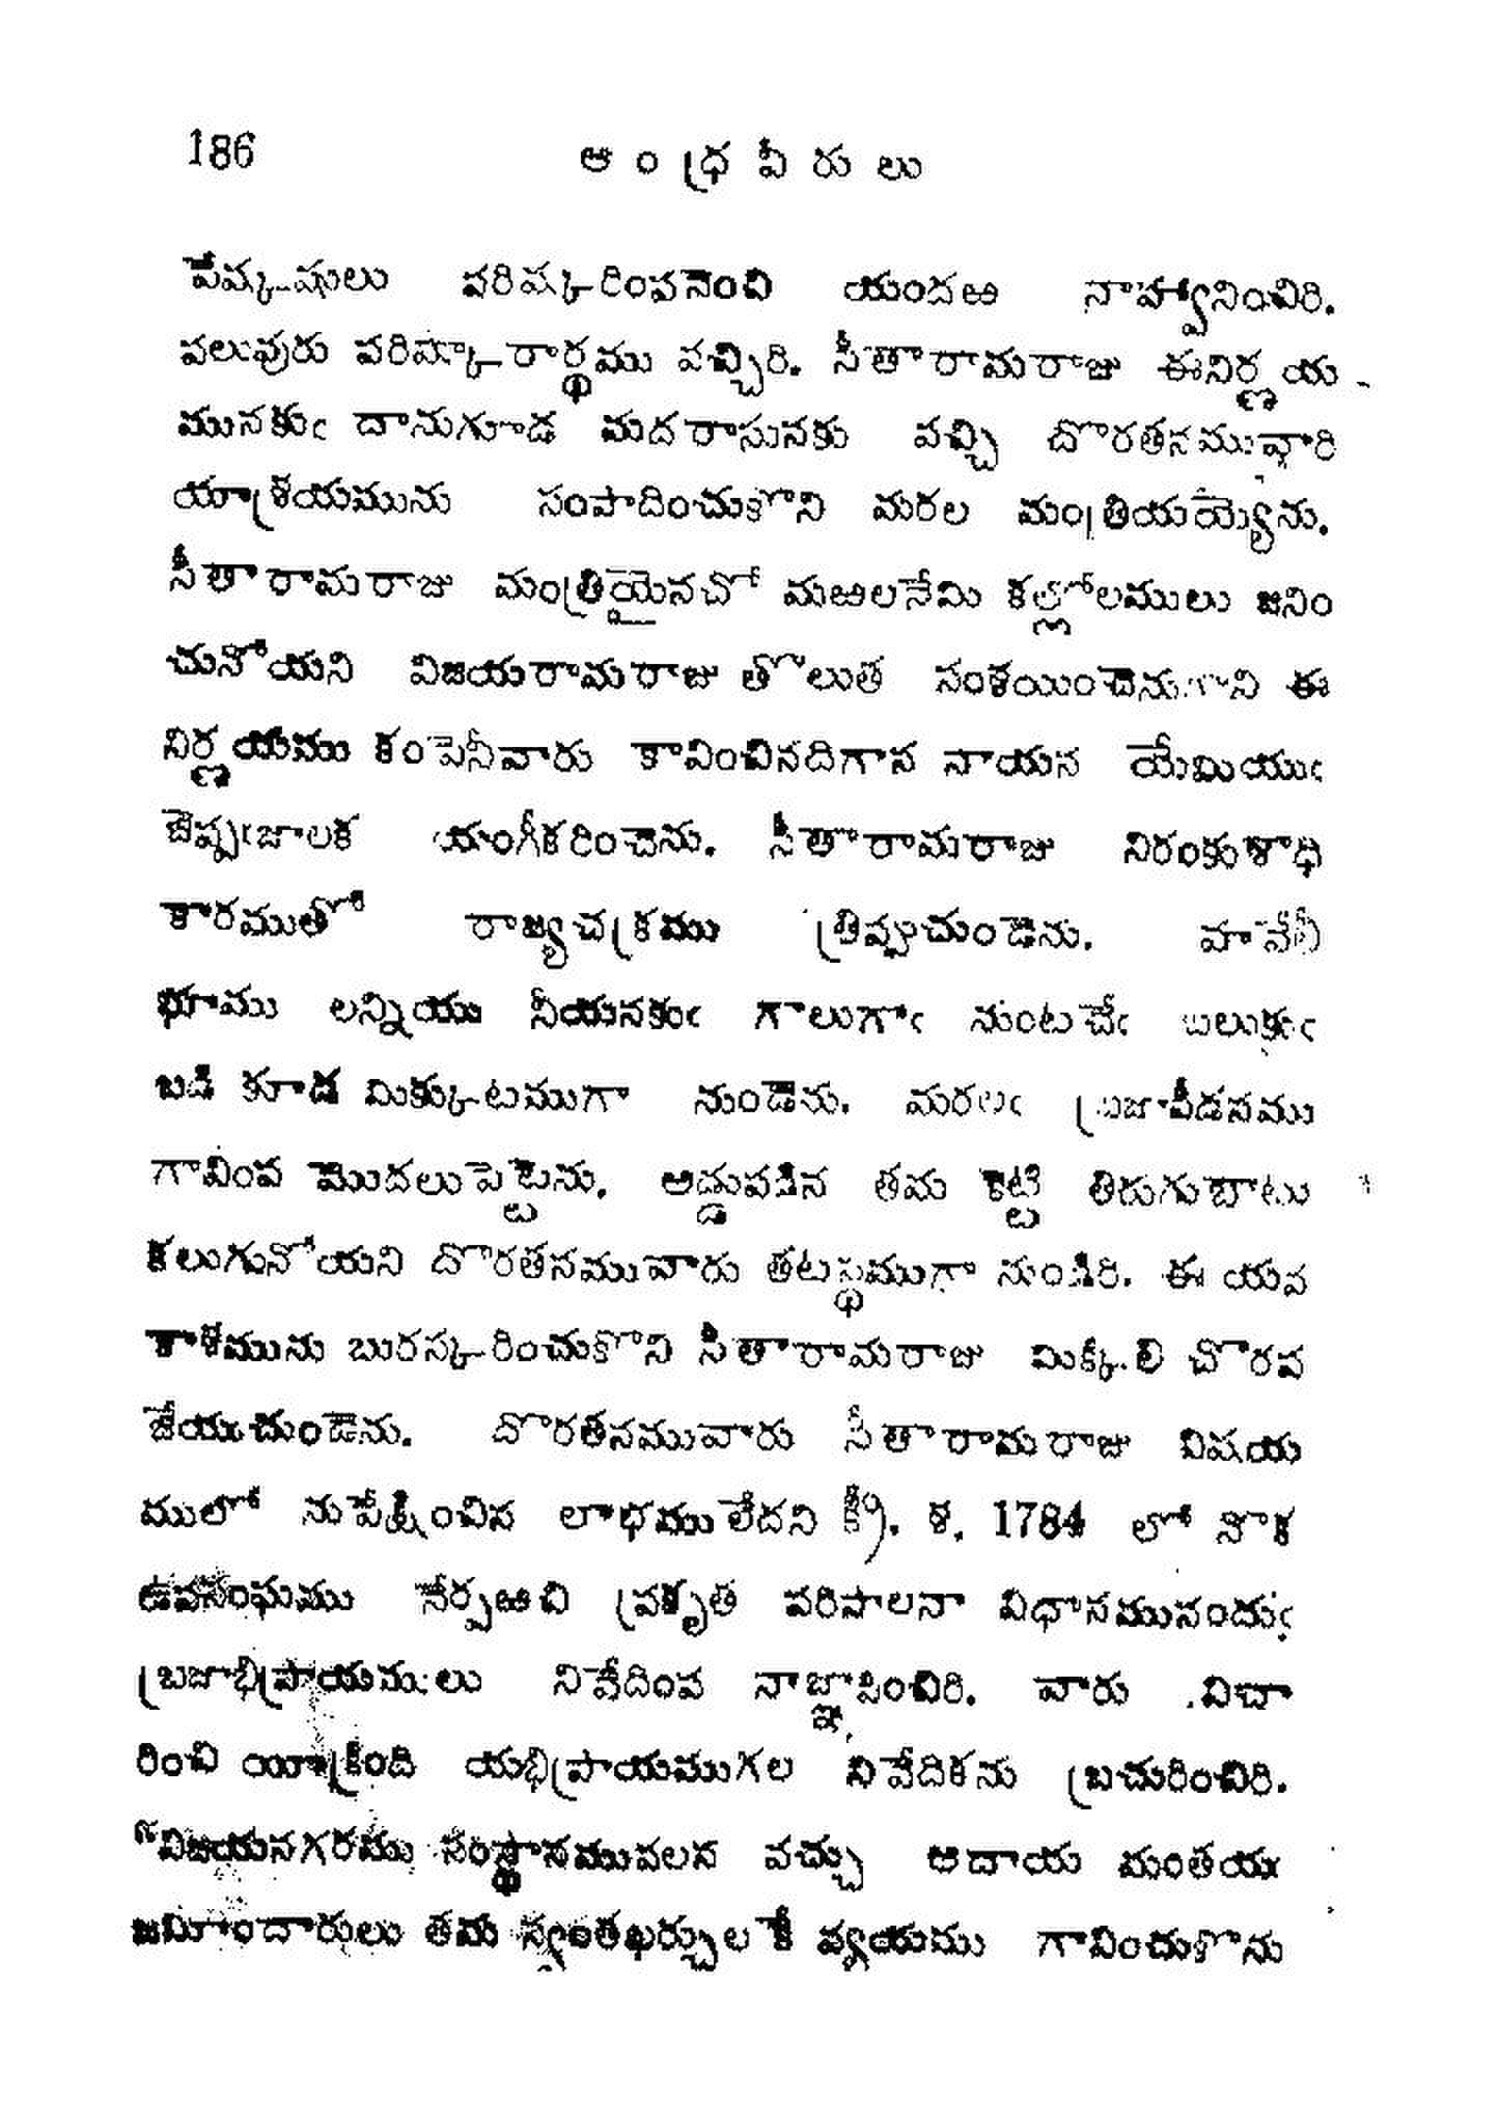పేష్కషులు పరిష్కరింపనెంచి యందఱ నాహ్వానించిరి. పలువురు పరిష్కారార్థము వచ్చిరి. సీతారామరాజు ఈనిర్ణయమునకు దానుగూడ మదరాసునకు వచ్చి దొరతనమువారి యాశ్రయమును సంపాదించుకొని మరల మంత్రియయ్యెను. సీతారామరాజు మంత్రియైనచో మఱలనేమి కల్లోలములు జనించునోయని విజయరామరాజు తొలుత సంశయించెనుగాని ఈనిర్ణయము కంపెనీవారు కావించినదిగాన నాయన యేమియు జెప్పజాలక యంగీకరించెను. సీతారామరాజు నిరంకుశాధి కారముతో రాజ్యచక్రము త్రిప్పుచుండెను. హవేలీ భూము లన్నియు నీయనకు గౌలుగా నుంటచే బలుకుబడి కూడ మిక్కుటముగా నుండెను. మరల బ్రజాపీడనము గావింప మొదలుపెట్టెను. అడ్డుపడిన తమ కెట్టి తిరుగుబాటు కలుగునోయని దొరతనమువారు తటస్థముగా నుండిరి. ఈ యవకాశమును బురస్కరించుకొని సీతారామరాజు మిక్కిలి చొరవజేయుచుండెను. దొరతనమువారు సీతారామరాజు విషయములో నుపేక్షించిన లాభములేదని క్రీ.శ. 1784 లో నొక ఉపసంఘము నేర్పఱచి ప్రకృత పరిపాలనా విధానమునందు బ్రజాభిప్రాయములు నివేదింప నాజ్ఞాపించిరి. వారు విచారించి యీక్రింది యభిప్రాయముగల నివేదికను బ్రచురించిరి. "విజయనగరము సంస్థానమువలన వచ్చు ఆదాయ మంతయు జమీందారులు తమ స్వంతఖర్చుల కే వ్యయము గావించుకొను